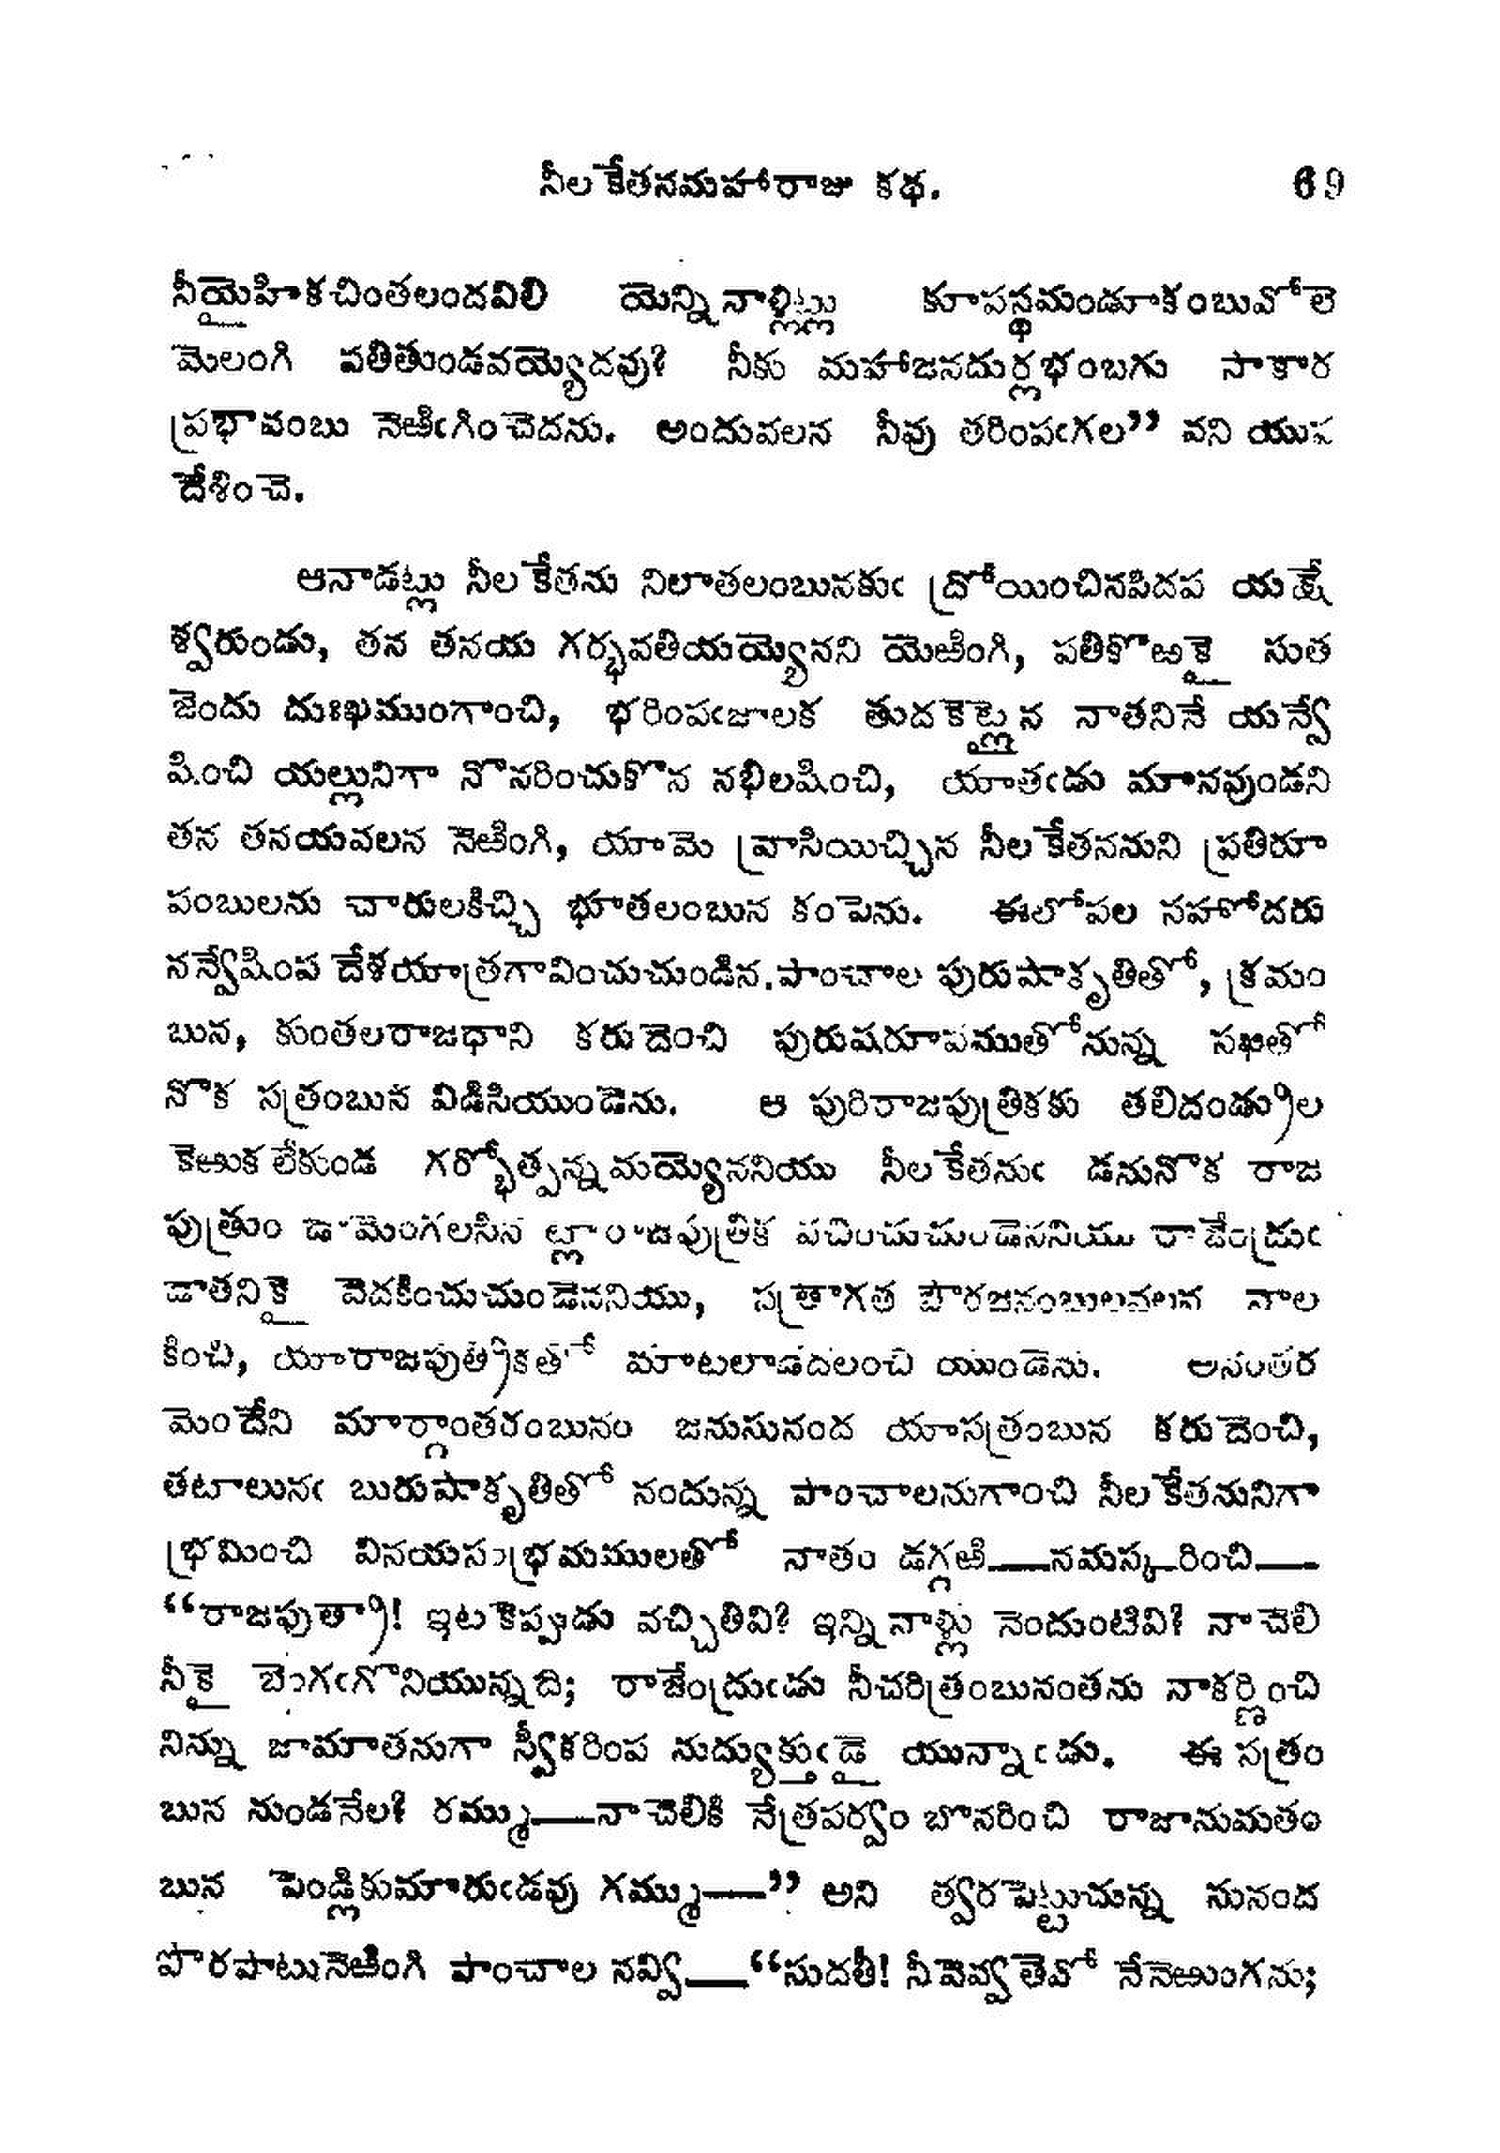నీయైహికచింతలందవిలి యెన్ని నాళ్లిట్లు కూపస్థ మండూకంబువోలె మెలంగి పతితుండవయ్యెదవు? నీకు మహాజన దుర్లభంబగు సాకార ప్రభావంబు నెఱిఁగించెదను. అందువలన నీవు తరింపఁగల" వని యుపదేశించె.

ఆనాడట్లు నీలకేతను నిలాతలంబునకుఁ ద్రోయించినపిదప యక్షేశ్వరుండు, తన తనయ గర్భవతియయ్యెనని యెఱింగి, పతికొఱకై సుత జెందు దుఃఖముంగాంచి, భరింపఁజూలక తుదకెట్లైన నాతనినే యన్వేషించి యల్లునిగా నొనరించుకొన నభిలషించి, యాతఁడు మానవుండని తన తనయవలన నెఱింగి, యామె వ్రాసియిచ్చిన నీల కేతననుని ప్రతిరూపంబులను చారులకిచ్చి భూతలంబున కంపెను.ఈలోపల సహోదరునన్వేషింప దేశయాత్రగావించుచుండిన, పాంచాల పురుషాకృతితో, క్రమంబున, కుంతల రాజధాని కరుదెంచి పురుషరూపముతో నున్న సఖితో నొక సత్రంబున విడిసియుండెను. ఆ పురి రాజపుత్రికకు తలిదండ్రుల కెఱుక లేకుండ గర్భోత్పన్న మయ్యెననియు నీల కేతనుఁ డనునొక రాజపుత్రుం డామెంగలసినట్లా రాజపుత్రిక పచించుచుండెననియు రాజేంద్రుఁ డాతనికై వెదకించుచుండెననియు, సత్రాగత పౌరజనంబులవలన నాలకించి, యరాజపుత్రికతో మాటలాడ దలంచి యుండెను, అనంతర మెందేని మార్గాంతరంబునం జనుసునంద యాసత్రంబున కరుదెంచి, తటాలునఁ బురుషాకృతితో నందున్న పాంచాలనుగాంచి నీలకేతనునిగా భ్రమించి వినయసంభ్రమములతో నాతం డగ్గఱి——నమస్కరించి—— “రాజపుత్రా! ఇట కెప్పుడు వచ్చితివి? ఇన్ని నాట్లు నెందుంటివి? నా చెలి నీకై బెగఁగొనియున్నది; రాజేంద్రుఁడు నీచరిత్రంబునంతను నాకర్ణించి నిన్ను జామాతనుగా స్వీకరింప నుద్యుక్తుఁడై యున్నాఁడు. ఈ సత్రంబున నుండనేల? రమ్ము——నా చెలికి నేత్రపర్వం బొనరించి రాజానుమతంబున పెండ్లికుమారుఁడవు గమ్ము——” అని త్వర పెట్టుచున్న సునంద పొరపాటు నెఱింగి పాంచాల నవ్వి—— “సుదతీ! నీవెవ్వతెవో నేనెఱుంగను;